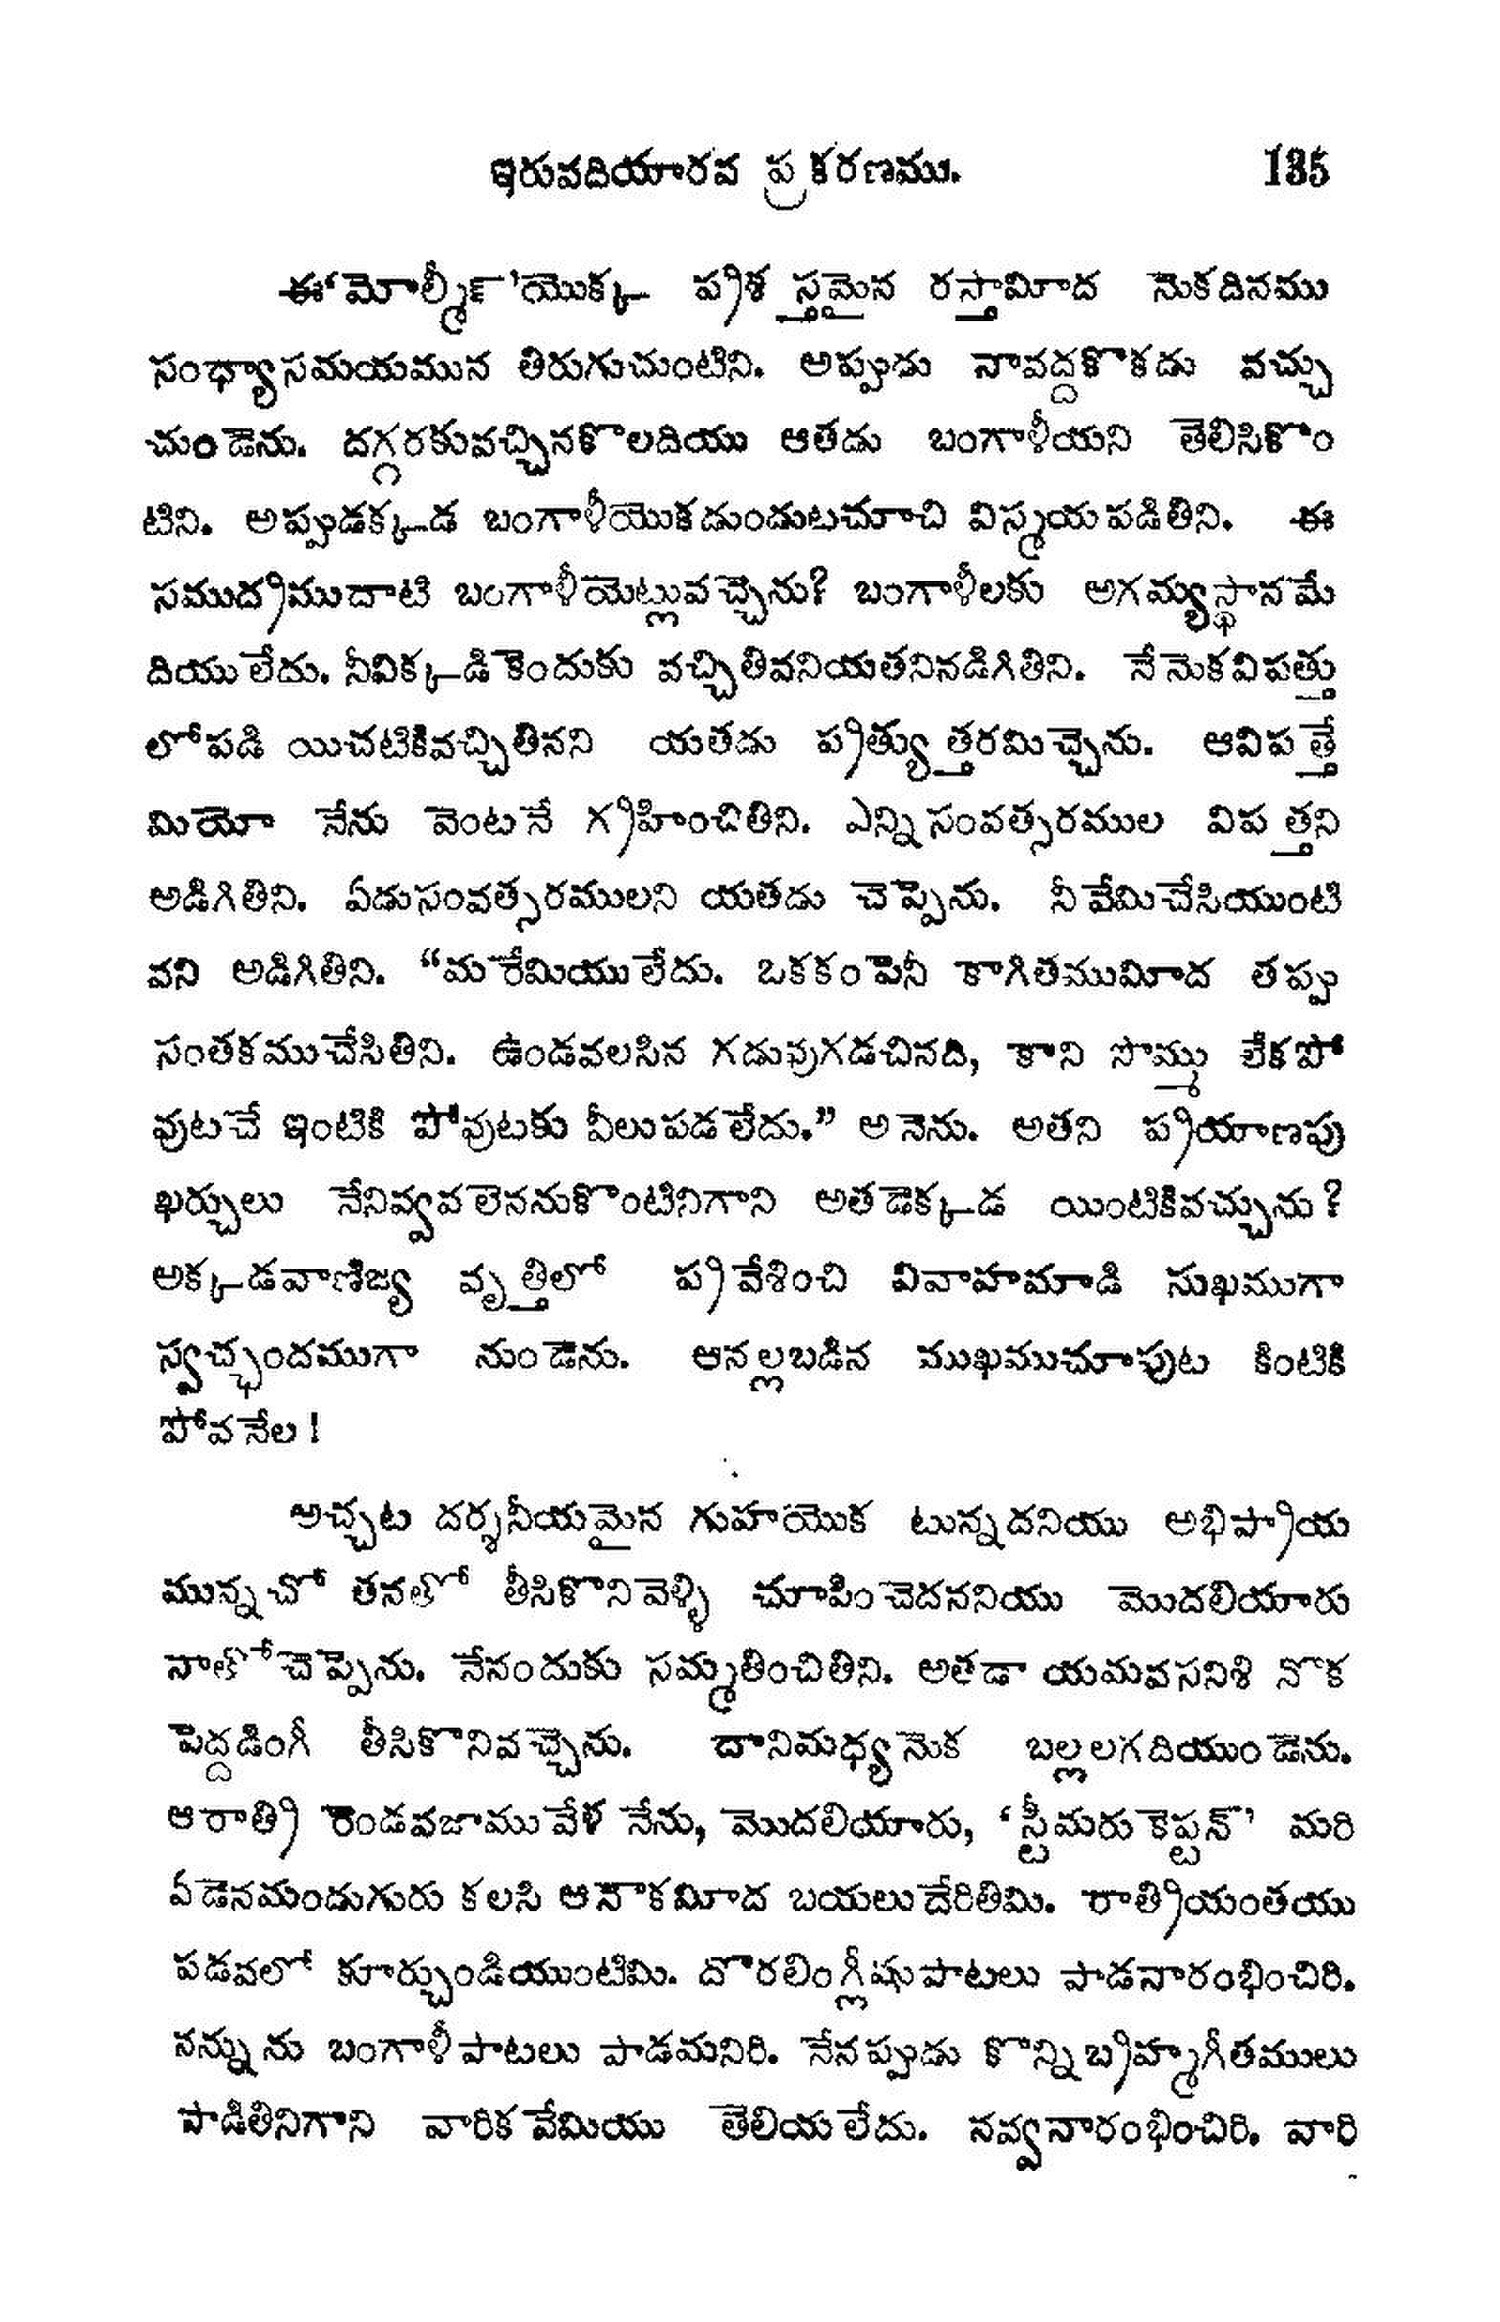ఈ మోల్మీస్ 'యొక్క ప్రశస్తమైన రస్తామీద ఒక దినముసంధ్యా సమయమున తిరుగుచుంటిని. అప్పుడు నావద్దకొకడు వచ్చుచుండెను. దగ్గరకు వచ్చిన 
కొలదియు ఆతడు బంగాళీయని తెలిసికొంటిని. అప్పుడక్కడ బంగాళీ 
యొకడుండుట చూచి విస్మయ పడితిని. సముద్రము దాటి బంగాళీ 
యెట్లువచ్చెను? బంగాళీలకు అగమ్యస్థానమేదియు లేదు. నీవిక్కడి 
కెందుకు వచ్చి తివనియతనినడిగితిని. నేనొక విషత్తులో పడి యిచటికి 
వచ్చితినని యతడు ప్రత్యుత్తరమిచ్చెను. ఆవిపత్తేమియో నేను వెంటనే 
గృహించితిని. ఎన్ని సంవత్సరముల విపత్తని అడిగితిని, ఏడు
సంవత్సరములని యతడు చెప్పెను. నీవేమి చేసియుంటి వని 
అడిగితిని. “మరేమియు లేదు. ఒక కంపెనీ కాగితముమీద తప్పు
సంతకము చేసితిని. ఉండ వలసిన గడువు గడచినది, కాని సొమ్ము 
లేకపోవుటచే ఇంటికి పోవుటకు వీలు పడలేదు.” అనెను. అతని 
ప్రయాణపు ఖర్చులు నేనివ్వవ లెననుకొంటిని గాని అత డెక్కడ యింటికి
వచ్చును ? అక్కడ వాణిజ్య వృత్తిలో ప్రవేశించి వివాహమాడి సుఖముగా
స్వచ్ఛందముగా నుండెను. ఆనల్లబడిన ముఖము చూపుట కింటికి
పోవనేల!

అచ్చట దర్శనీయమైన గుహయొక టున్నదనియు అభిప్రాయ
మున్నచో తనతో తీసికొని వెళ్ళి చూపించెదననియు మొదలియారు
నాతో చెప్పెను. "నేనందుకు సమ్మతించితిని, అతడా యమవశమిశి నొక
పెద్ద డింగీ తీసికొనివచ్చెను. దానిమధ్య ఒక బల్లల గదియుం డెను.
ఆరాత్రి రెండవజాము వేళ 'నేను, మొదలియారు, ' స్టీమరు కెప్టన్ ' మరి
వడెనమండుగురు కలసి ఆనౌకమీద బయలు దేరితిమి. రాతత్రి యంతయు
పడవలో కూర్చుండి యుంటిమి. దొరలింగ్లీషు పాటలు పాడ నారంభించిరి.
నన్నును బంగాళీ పాటలు పాడమనిరి. నేనప్పుడు కొన్ని బ్రహ్మగీతములు
పాడితిని గాని వారిక వేమియు తెలియ లేదు. నవ్వనారంభించిరి. వారి